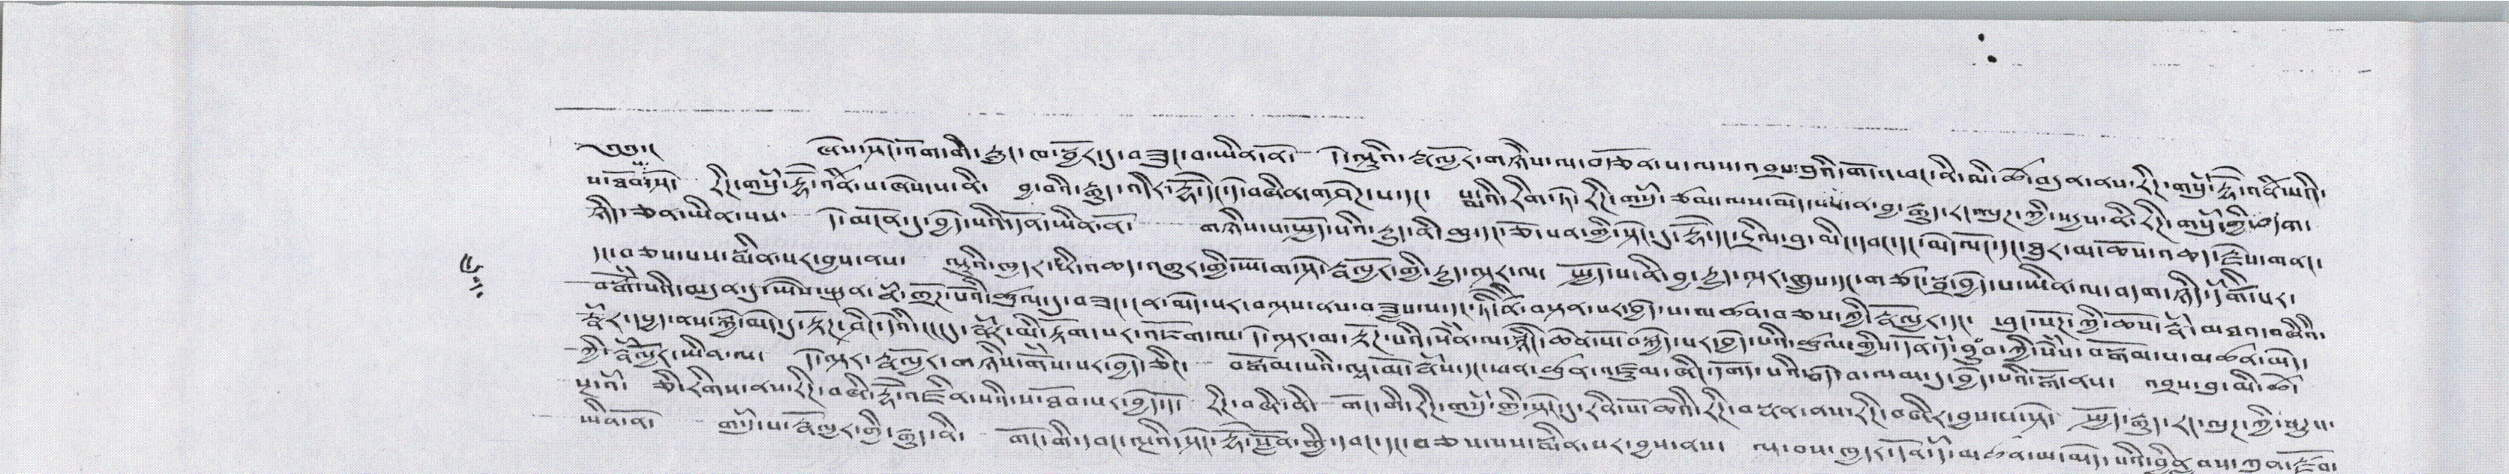ཞེས་སྟེང་འོག་གི་རླུང་ཁ་སྦྱོར་དུ་བཟུང་བ་ཡིན་ནོ། དེ་ལྟ་བུའི་རྣལ་འབྱོར་གཉིས་ལ་བརྩོན་པ་ལས་འབྲས་བུའི་གོ་འཕང་ནི་མི་ཚེ་བདུན་ནས་རིགས་གསུམ་རྡོ་རྗེ་འཛིན་པའི་
ས་ཐོབ་སྟེ། རིགས་གསུམ་རྡོ་རྗེ་འཛིན་པ་ཞེས་པ་ནི། བྱ་བའི་རྒྱུད་འདིར་རྡོ་རྗེ་དང་དེ་བཞིན་གཤེགས་པ་དང་། པདྨའི་རིགས་ཏེ་རིགས་གསུམ་ཙམ་ལས་མེད་པས་ན་བྱ་རྒྱུད་རང་ལུགས་ཀྱི་སངས་རྒྱས་ནི་རིགས་གསུམ་གྱི་བདག་
ཉིད་ཅན་ཡིན་པས། དེ་མངོན་དུ་བྱེད་པའི་དོན་ཡིན་ནོ། གཉིས་པ་སྤྱོད་པའི་རྒྱུད་ནི་ཆུ་དང་ཅོད་པཎ་གྱི་སྟེང་དུ་རྡོ་རྗེ་དང་དྲིལ་བུ་མིང་དབང་དང་མེ་ལོང་དང་ཐུར་མ་ཆོས་འཆད་རྗེས་གནང་
དང་བཅས་པས་སྨིན་པར་བྱས་ནས། ལྟ་བའི་ཁྱད་པར་ནི་འཆད་འགྱུར་གྱི་ཡོ་ག་སྟེ་རྣལ་འབྱོར་གྱི་རྒྱུད་ལྟར་ལ། སྤྱོད་པ་ནི་བྱ་རྒྱུད་ལྟར་ཁྲུས་དང་གཙང་སྦྲ་བྱེད་པ་ཡིན་ལ། བདག་ཉིད་དམ་ཚིག་པར་
བསྒོམ་པའི་མདུན་དུ་ཡེ་ཤེས་སྤུན་རྣམས་གྲོགས་པོའི་ཚུལ་དུ་བཟང་ངན་མེད་པར་བལྟས་ནས་བཟླས་པ་དང་ཏིང་འཛིན་བསྟན་པར་བྱས་པ་མཚན་བཅས་ཀྱི་རྣལ་འབྱོར་དང་། ཕུང་སོགས་ཀྱི་ཆོས་རྣམས་མཐའ་བཞིའི་
རྣམ་པར་དཔྱད་ནས་སྐྱེ་མེད་དུ་རྟོགས་ཤིང་དེའི་ངང་དུ་རྣམ་པར་མི་རྟོག་པར་འཇོག་ལ། དེ་ལྟར་མ་རྟོགས་པའི་སེམས་ཅན་ལ་སྙིང་རྗེ་ཆེན་པོ་བསྐྱེད་པར་བྱེད་པའི་ཚུལ་གྱིས་དོན་དམ་བྱང་ཆུབ་ཀྱི་སེམས་བསྒོམ་པ་མཚན་མེད་
ཀྱི་རྣལ་འབྱོར་ཡིན་ལ། དེ་ལྟར་རྣལ་འབྱོར་གཉིས་གོམས་པར་བྱེད་ཅིང་། བསྒོམ་པའི་ལྷ་མོ་རྣམས་ཀྱང་ཕན་ཚུན་འཛུམ་ཞིང་དགོད་པའི་བདེ་བ་ལམ་དུ་བྱེད་པའི་སྒོ་ནས་འབྲས་བུ་མི་ཚེ་
ལྔའམ། ཅི་རིགས་ནས་རིགས་བཞི་རྡོ་རྗེ་སེམས་དཔའི་ས་ཐོབ་པར་བྱེད་དོ། རིགས་བཞི་ནི། གོང་གི་རིགས་གསུམ་གྱི་སྟེང་དུ་རིན་པོ་ཆེའི་རིགས་བསྣན་པས་རིགས་བཞིར་བྱས་པ་སྟེ། སྤྱོད་རྒྱུད་རང་ལུགས་ཀྱི་སངས་རྒྱས་
ཡིན་ནོ། གསུམ་པ་རྣལ་འབྱོར་གྱི་རྒྱུད་ནི། གོང་གི་དབང་ལྔའི་སྟེང་རྡོ་རྗེ་སློབ་དཔོན་གྱི་དབང་དང་བཅས་པས་སྨིན་པར་བྱས་ནས། ལྟ་བས་ཁྱད་པར་དོན་དམ་མཚན་མ་མེད་པའི་བྱིན་རླབས་ཀུན་རྫོབ་